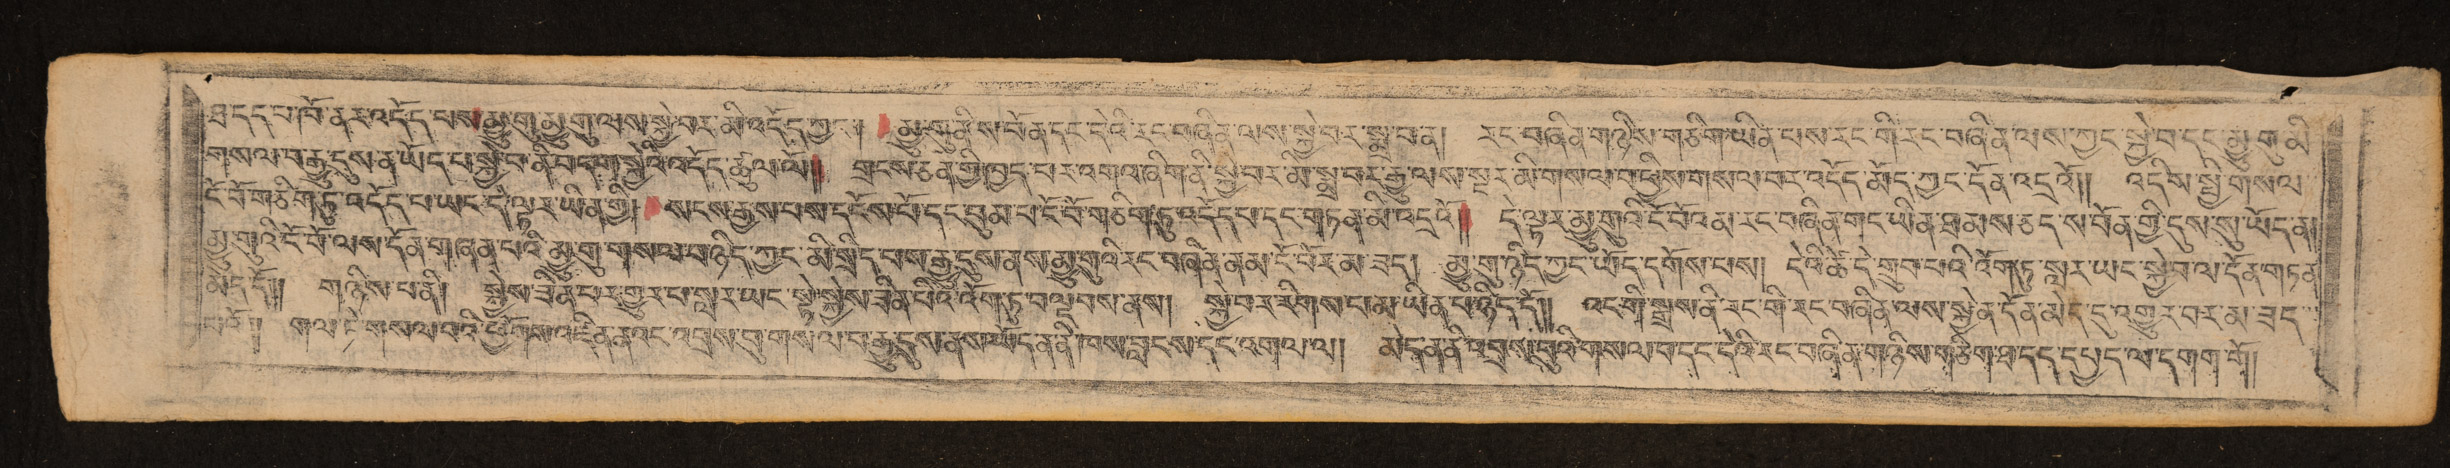ཐ་དད་པ་ཁོ་ནར་འདོད་པས་མྱུ་གུ་མྱུ་གུ་ལས་སྐྱེ་བར་མི་འདོད་ཀྱང་། མྱུ་གུ་ནི་ས་བོན་དང་དེའི་རང་བཞིན་ལས་སྐྱེ་བར་སྨྲ་བ་ན། རང་བཞིན་གཉིས་གཅིག་ཡིན་པས་རང་གི་རང་བཞིན་ལས་ཀྱང་སྐྱེ་བ་དང་མྱུ་གུ་མི་
གསལ་བ་རྒྱུ་དུས་ན་ཡོད་པ་སྐྱེ་བ་ནི་བདག་སྐྱེའི་འདོད་ཚུལ་ལོ།། གྲངས་ཅན་གྱི་ཁྱད་པར་འགའ་ཞིག་ནི་སྐྱེ་བར་མི་སྨྲ་བར་རྒྱུ་ལས་སྔར་མི་གསལ་བ་ཕྱིས་གསལ་བར་འདོད་མོད་ཀྱང་དོན་འདྲའོ།། འདིས་སྤྱི་གསལ་
ངོ་བོ་གཅིག་ཏུ་འདོད་པ་ཡང་དེ་ལྟར་ཡིན་གྱི། སངས་རྒྱས་པས་དངོས་པོ་དང་བུམ་པ་ངོ་བོ་གཅིག་ཏུ་འདོད་པ་དང་གཏན་མི་འདྲའོ།། དེ་ལྟར་མྱུ་གུའི་ངོ་བོའམ་རང་བཞིན་གང་ཡིན་ཐམས་ཅད་ས་བོན་གྱི་དུས་སུ་ཡོད་ན།
མྱུ་གུའི་ངོ་བོ་ལས་དོན་གཞན་པའི་མྱུ་གུ་གསལ་བ་ཉིད་ཀྱང་མི་སྲིད་པས་རྒྱུ་དུས་ནས་མྱུ་གུའི་རང་བཞིན་ནམ་ངོ་བོར་མ་ཟད། མྱུ་གུ་ཉིད་ཀྱང་ཡོད་དགོས་པས། དེའི་ཚེ་དེ་གྲུབ་པའི་འོག་ཏུ་སླར་ཡང་སྐྱེ་བ་ལ་དོན་གཏན་
མེད་དོ།། གཉིས་པ་ནི། སྐྱེས་ཟིན་པར་གྱུར་པ་སླར་ཡང་སྟེ་སྐྱེས་ཟིན་པའི་འོག་ཏུ་བལྡབས་ནས། སྐྱེ་བར་རིགས་པ་མ་ཡིན་པ་ཉིད་དོ།། འང་གི་སྒྲས་ནི་རང་གི་རང་བཞིན་ལས་སྐྱེ་ན་དོན་མེད་དུ་འགྱུར་བར་མ་ཟད་
པའོ།། གལ་ཏེ་གསལ་བའི་ཕྱོགས་འཛིན་ནའང་འབྲས་བུ་གསལ་བ་རྒྱུ་དུས་ནས་ཡོད་ན་ནི་ཁས་བླངས་དང་འགལ་ལ། མེད་ན་ནི་འབྲས་བུའི་གསལ་བ་དང་དེའི་རང་བཞིན་གཉིས་གཅིག་ཐ་དད་དཔྱད་ལ་དགག་གོ།